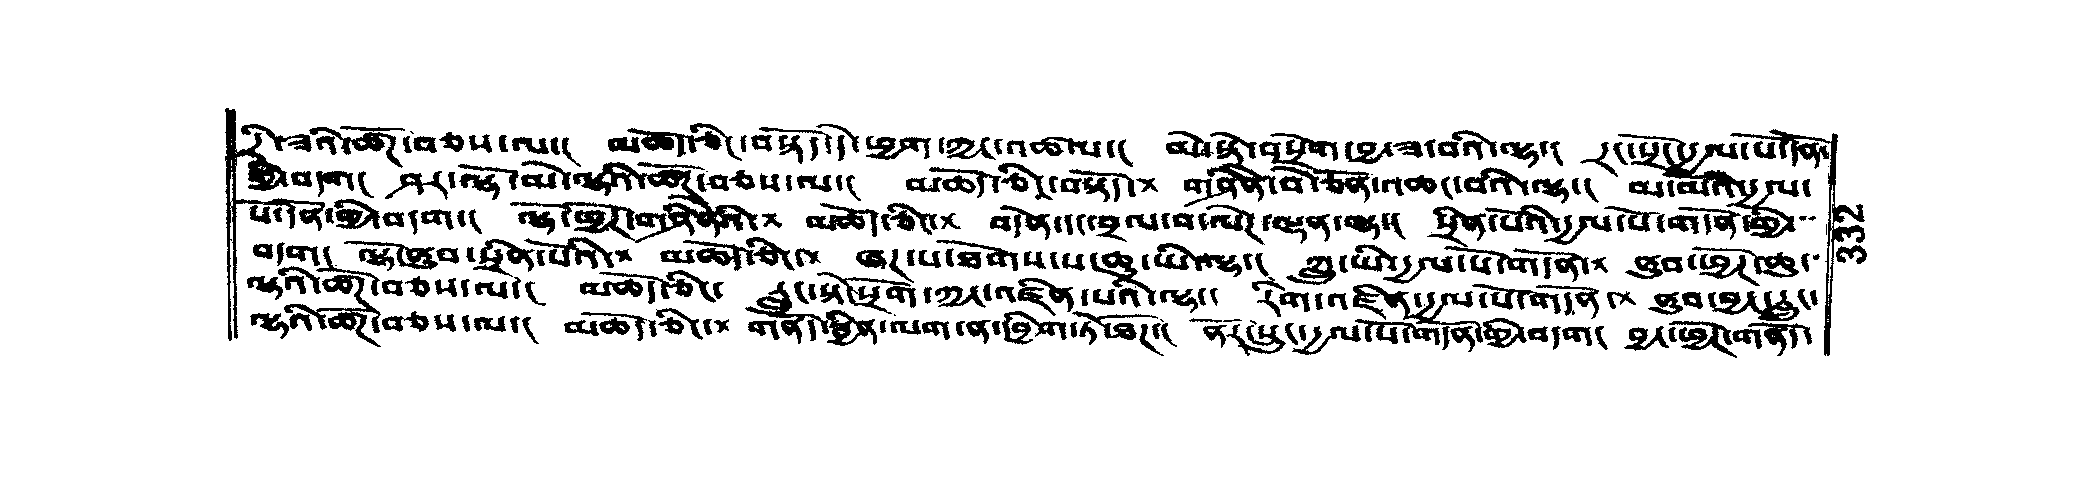དྲི་ཟའི་ཚོགས་བཅས་ལ། །མཆོད་ཅིང་བསྟོད་དེ་ཕྱག་ཀྱང་འཚལ། །མེ་སྟེ་བསྲེག་བྱ་ཟ་བའི་ལྷ། །དྲང་སྲོང་རྒྱལ་པོ་དོན་
གྱི་བདག །ཤར་ལྷོ་མེ་ལྷའི་ཚོགས་བཅས་ལ། །མཆོད་ཅིང་བསྟོད་དོ་ཕྱག་ཀྱང་འཚལ། །གཤིན་རྗེ་བེ་ཅོན་འཆང་བའི་ལྷ། །མ་མོའི་རྒྱལ་
པོ་དོན་གྱི་བདག །ལྷོ་ཕྱོགས་གཤིན་རྗེའི་ཚོགས་བཅས་ལ། །མཆོད་ཅིང་བསྟོད་དོ་ཕྱག་ཀྱང་འཚལ། །བདེན་དང་བྲལ་བ་ལེགས་ལྡན་ལྷ། །སྲིན་པོའི་རྒྱལ་པོ་གདོན་གྱི་
བདག །ལྷོ་ནུབ་སྲིན་པོའི་ཚོགས་བཅས་ལ། །མཆོད་ཅིང་བསྟོད་དོ་ཕྱག་ཀྱང་འཚལ། །ཞུགས་པ་ཐོགས་པ་ཆུ་ཡི་ལྷ། །ཀླུ་ཡི་རྒྱལ་པོ་གདོན་གྱི་བདག །ནུབ་ཕྱོགས་ཆུ་
ལྷའི་ཚོགས་བཅས་ལ། །མཆོད་ཅིང་བསྟོད་དོ་ཕྱག་ཀྱང་འཚལ། །རླུང་སྟེ་སྲོག་ཀྱང་འཛིན་པའི་ལྷ། །རིག་འཛིན་རྒྱལ་པོ་གདོན་གྱི་བདག །ནུབ་བྱང་རླུང་
ལྷའི་ཚོགས་བཅས་ལ། །མཆོད་ཅིང་བསྟོད་དེ་ཕྱག་ཀྱང་འཚལ། །གནོད་སྦྱིན་ལག་ན་དབྱུག་ཏོ་ཐོགས། །ནོར་སྲུང་རྒྱལ་པོ་གདོན་གྱི་བདགབྱང་ཕྱོགས་གནོད་